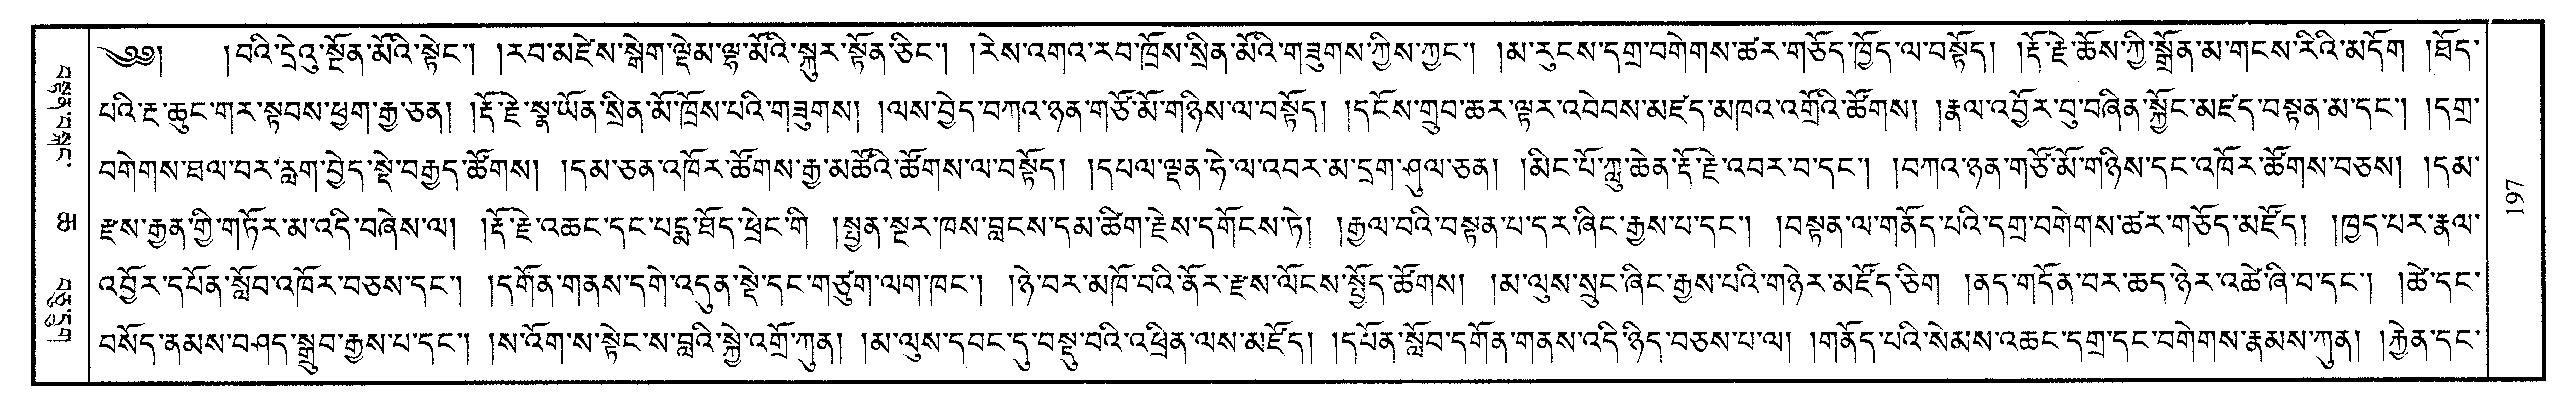༄༅། །བའི་དྲེའུ་སྔོན་མོའི་སྟེང་། །རབ་མཛེས་སྒེག་ལྡེམ་ལྷ་མོའི་སྐུར་སྟོན་ཅིང་། །རེས་འགའ་རབ་ཁྲོས་སྲིན་མོའི་གཟུགས་ཀྱིས་ཀྱང་། །མ་རུངས་དགྲ་བགེགས་ཚར་གཅོད་ཁྱོད་ལ་བསྟོད། །རྡོ་རྗེ་ཆོས་ཀྱི་སྒྲོན་མ་གངས་རིའི་མདོག །ཐོད་
པའི་རྔ་ཆུང་གར་སྟབས་ཕྱག་རྒྱ་ཅན། །རྡོ་རྗེ་སྣ་ཡོན་སྲིན་མོ་ཁྲོས་པའི་གཟུགས། །ལས་བྱེད་བཀའ་ཉན་གཙོ་མོ་གཉིས་ལ་བསྟོད། །དངོས་གྲུབ་ཆར་ལྟར་འབེབས་མཛད་མཁའ་འགྲོའི་ཚོགས། །རྣལ་འབྱོར་བུ་བཞིན་སྐྱོང་མཛད་བསྟན་མ་དང་། །དགྲ་
བགེགས་ཐལ་བར་རླག་བྱེད་སྡེ་བརྒྱད་ཚོགས། །དམ་ཅན་འཁོར་ཚོགས་རྒྱ་མཚོའི་ཚོགས་ལ་བསྟོད། །དཔལ་ལྡན་ཧེ་ལ་འབར་མ་དྲག་ཤུལ་ཅན། །མིང་པོ་ཀླུ་ཆེན་རྡོ་རྗེ་འབར་བ་དང་། །བཀའ་ཉན་གཙོ་མོ་གཉིས་དང་འཁོར་ཚོགས་བཅས། །དམ་
རྫས་རྒྱན་གྱི་གཏོར་མ་འདི་བཞེས་ལ། །རྡོ་རྗེ་འཆང་དང་པདམ་ཐོད་ཕྲེང་གི །སྤྱན་སྔར་ཁས་བླངས་དམ་ཚིག་རྗེས་དགོངས་ཏེ། །རྒྱལ་བའི་བསྟན་པ་དར་ཞིང་རྒྱས་པ་དང་། །བསྟན་ལ་གནོད་པའི་དགྲ་བགེགས་ཚར་གཅོད་མཛོད། །ཁྱད་པར་རྣལ་
འབྱོར་དཔོན་སློབ་འཁོར་བཅས་དང་། །དགོན་གནས་དགེ་འདུན་སྡེ་དང་གཙུག་ལག་ཁང་། །ཉེ་བར་མཁོ་བའི་ནོར་རྫས་ལོངས་སྤྱོད་ཚོགས། །མ་ལུས་སྲུང་ཞིང་རྒྱས་པའི་གཉེར་མཛོད་ཅིག །ནད་གདོན་བར་ཆད་ཉེར་འཚེ་ཞི་བ་དང་། །ཚེ་དང་
བསོད་ནམས་བཤད་སྒྲུབ་རྒྱས་པ་དང་། །ས་འོག་ས་སྟེང་ས་བླའི་སྐྱེ་འགྲོ་ཀུན། །མ་ལུས་དབང་དུ་བསྡུ་བའི་འཕྲིན་ལས་མཛོད། །དཔོན་སློབ་དགོན་གནས་འདི་ཉིད་བཅས་པ་ལ། །གནོད་པའི་སེམས་འཆང་དགྲ་དང་བགེགས་རྣམས་ཀུན། །རྐྱེན་དང་